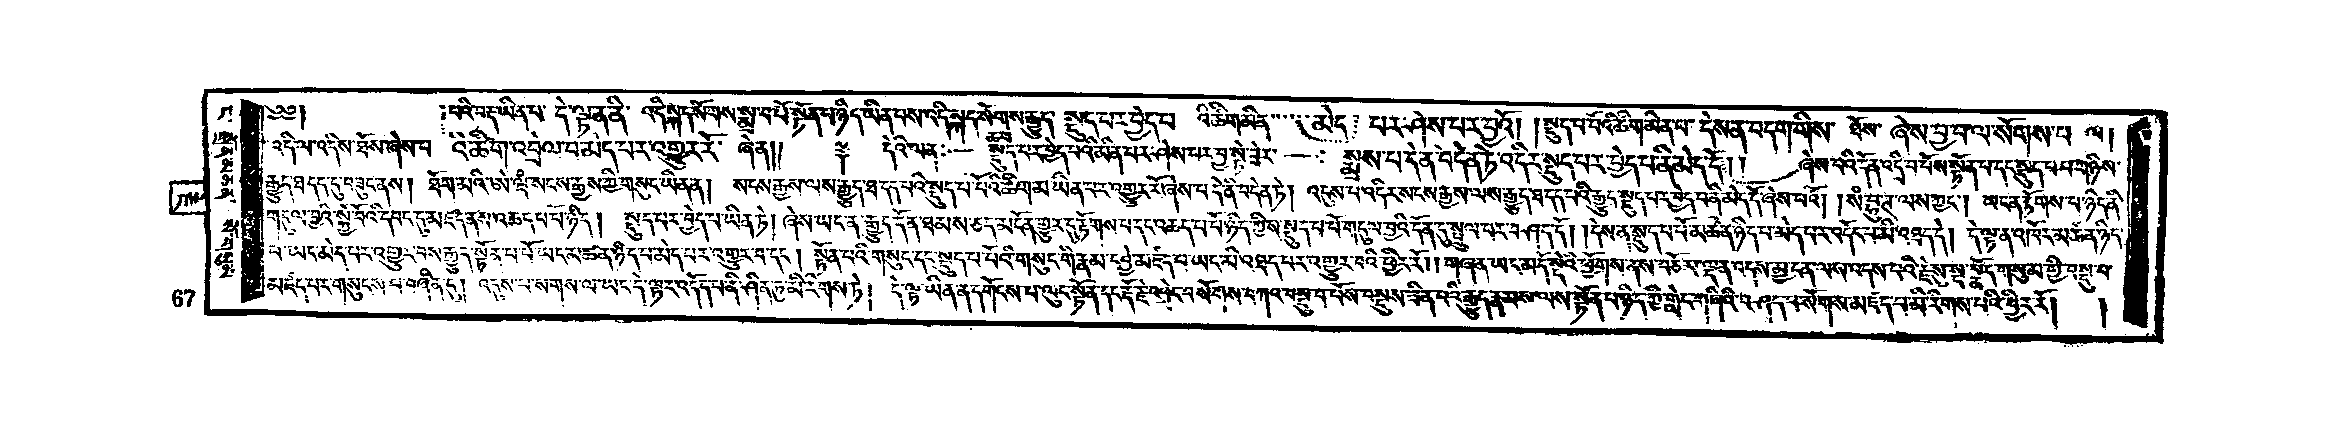༄༅། །པའི་བརྡ་ཡིན་པ་དེ་ལྟ་ན་ནི་འདི་སྐད་སོགས་སྨྲ་བ་པོ་སྟོན་པ་ཉིད་ཡིན་པས་འདི་སྐད་སོགས་རྒྱུད་སྡུད་པར་བྱེད་པའི་ཚིག་མིན་མེད་པར་ཤེས་པར་བྱའོ། །སྡུད་པ་པོའི་ཚིག་མིན་པ་དེས་ན་བདག་གིས་ཐོས་ཞེས་བྱ་བ་ལ་སོགས་པ་ལ།
འདི་ལ་འདིས་ཐོས་ཞེས་པའི་ཚིག་འབྲེལ་པ་མེད་པར་འགྱུར་རོ་ཞེ་ན།། ༈ དེའི་ལནཿ་ཆག་?་སྡུད་པར་བྱེད་པའི་མིན་པར་ཤེས་པར་བྱ་སྟེ་ཟེར་.Hསྨྲས་པ་དེ་ནི་བདེན་ཏེ་འདིར་སྡུད་པར་བྱེད་པ་ནི་མེད་དོ། །ཞེས་པའི་དོན་འདྲི་བ་པོས་སྟོན་པ་དང་སྡུད་པ་པ་གཉིས་
རྒྱུད་ཐ་དད་དུ་བཟུང་ནས། ཐོག་མའི་ཨེ་ཝཾ་སངས་རྒྱས་ཀྱི་གསུང་ཡིན་ན། སངས་རྒྱས་ལས་རྒྱུད་ཐ་དད་པའི་སྡུད་པ་པོའི་ཚིག་མ་ཡིན་པར་འགྱུར་རོ་ཞེས་པ་དེ་ནི་བདེན་ཏེ། འདུས་པ་འདིར་སངས་རྒྱས་ལས་རྒྱུད་ཐ་དད་པའི་རྒྱུད་སྡུད་པར་བྱེད་པ་ནི་མེད་དོ་ཞེས་པའོ། །སཾ་བྷུ་ཊ་ལས་ཀྱང་། ཡང་ན་རྟོགས་པ་ཉིད་ནི་
གདུལ་བྱའི་སྐྱེ་བོའི་དབང་དུ་མཛད་ནས་འཆད་པ་པོ་ཉིད། སྡུད་པར་བྱེད་པ་ཡིན་ཏེ། ཞེས་ཡང་ན་རྒྱུད་དོན་ཐམས་ཅད་མངོན་གྱུར་དུ་རྟོགས་པ་དང་འཆད་པ་པོ་ཉིད་ཀྱིས་སྡུད་པ་པོ་གདུལ་བྱའི་དོན་དུ་སྤྲུལ་པར་བཤད་དོ། །དེས་ན་སྡུད་པ་པོ་མཚན་ཉིད་པ་མེད་པར་འདོད་པ་མི་འཐད་དེ། དེ་ལྟ་ན་འཁོར་མཚན་ཉིད་
པ་ཡང་མེད་པར་འགྱུར་བས་རྒྱུད་སྟོན་པ་པོ་ཡང་མཚན་ཉིད་པ་མེད་པར་འགྱུར་བ་དང་། སྟོན་པའི་གསུང་དང་སྡུད་པ་པོའི་གསུང་གི་རྣམ་དབྱེ་མཛད་པ་ཡང་མི་འཐད་པར་འགྱུར་པའི་ཕྱིར་རོ། །གཞན་ཡང་མདོ་སྡེའི་ཕྱོགས་ནས་བཅོམ་ལྡན་འདས་མྱ་ངན་ལས་འདས་པའི་རྗེས་སུ་སྡེ་སྣོད་གསུམ་གྱི་བསྡུ་བ་
མཛད་པར་གསུངས་པ་བཞིན་དུ། འདུས་པ་སོགས་ལ་ཡང་དེ་ལྟར་འདོད་པ་ནི་ཤིན་ཏུ་མི་རིགས་ཏེ། དེ་ལྟ་ཡིན་ན་དགོངས་པ་ལུང་སྟོན་དང་རྡོ་རྗེ་འཕྲེང་བ་སོགས་བཀའ་བསྡུ་བ་པོས་བསྡུས་ཟིན་པའི་རྒྱུད་རྣམས་ལས་སྟོན་པ་ཉིད་ཀྱི་གླེང་གཞིའི་བཤད་པ་སོགས་མཛད་པ་མི་རིགས་པའི་ཕྱིར་རོ། །